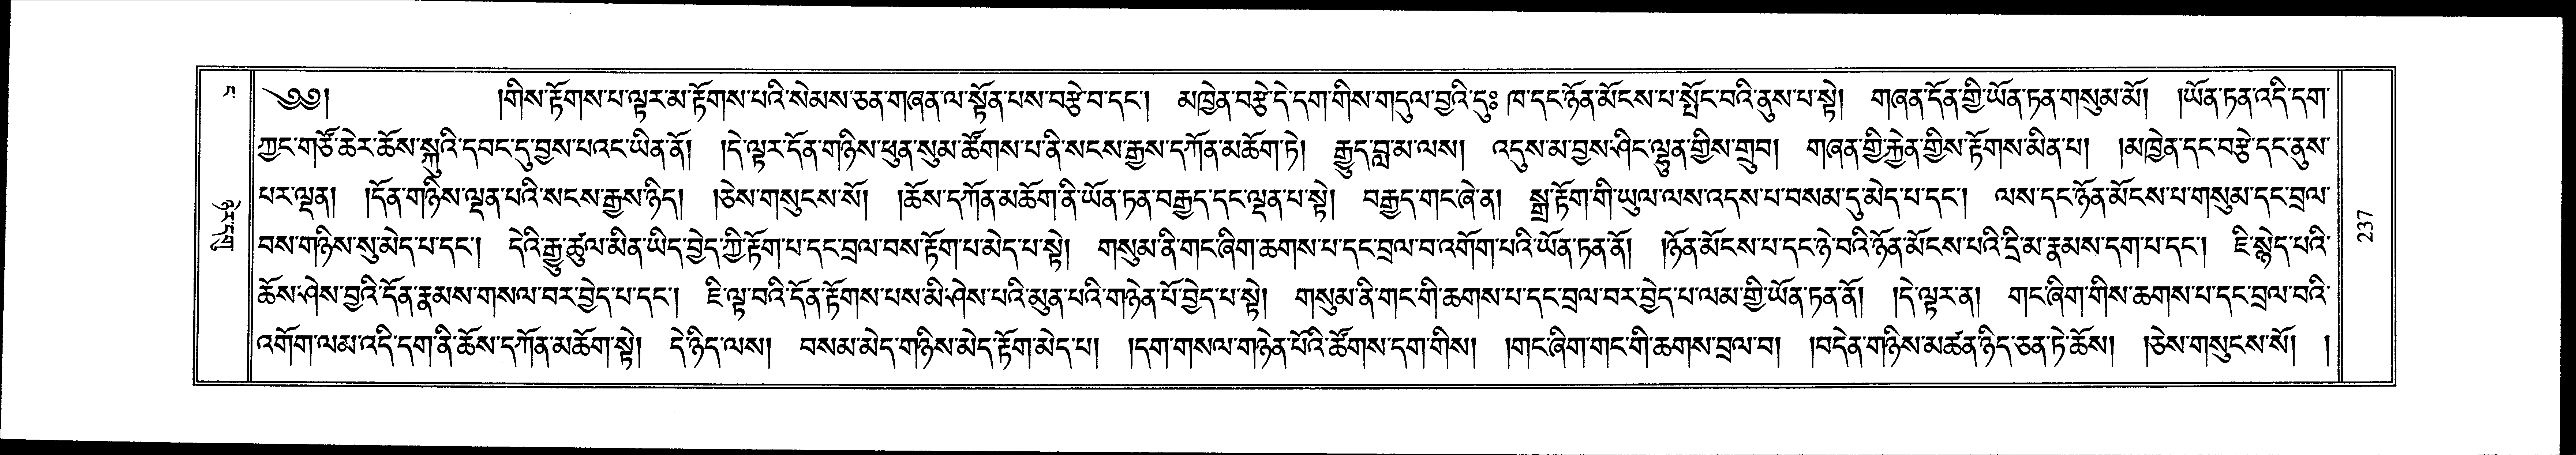༄༅། །གིས་རྟོགས་པ་ལྟར་མ་རྟོགས་པའི་སེམས་ཅན་གཞན་ལ་སྟོན་པས་བརྩེ་བ་དང་། མཁྱེན་བརྩེ་དེ་དག་གིས་གདུལ་བྱའི་དུཿ ཁ་དང་ཉོན་མོངས་པ་སྤོང་བའི་ནུས་པ་སྟེ། གཞན་དོན་གྱི་ཡོན་ཏན་གསུམ་མོ། །ཡོན་ཏན་འདི་དག་
ཀྱང་གཙོ་ཆེར་ཆོས་སྐུའི་དབང་དུ་བྱས་པའང་ཡིན་ནོ། །དེ་ལྟར་དོན་གཉིས་ཕུན་སུམ་ཚོགས་པ་ནི་སངས་རྒྱས་དཀོན་མཆོག་སྟེ། རྒྱུད་བླ་མ་ལས། འདུས་མ་བྱས་ཤིང་ལྷུན་གྱིས་གྲུབ། གཞན་གྱི་རྐྱེན་གྱིས་རྟོགས་མིན་པ། །མཁྱེན་དང་བརྩེ་དང་ནུས་
པར་ལྡན། །དོན་གཉིས་ལྡན་པའི་སངས་རྒྱས་ཉིད། །ཅེས་གསུངས་སོ། །ཆོས་དཀོན་མཆོག་ནི་ཡོན་ཏན་བརྒྱད་དང་ལྡན་པ་སྟེ། བརྒྱད་གང་ཞེ་ན། སྒྲ་རྟོག་གི་ཡུལ་ལས་འདས་པ་བསམ་དུ་མེད་པ་དང་། ལས་དང་ཉོན་མོངས་པ་གསུམ་དང་བྲལ་
བས་གཉིས་སུ་མེད་པ་དང་། དེའི་རྒྱུ་ཚུལ་མིན་ཡིད་བྱེད་ཀྱི་རྟོག་པ་དང་བྲལ་བས་རྟོག་པ་མེད་པ་སྟེ། གསུམ་ནི་གང་ཞིག་ཆགས་པ་དང་བྲལ་བ་འགོག་པའི་ཡོན་ཏན་ནོ། །ཉོན་མོངས་པ་དང་ཉེ་བའི་ཉོན་མོངས་པའི་དྲི་མ་རྣམས་དག་པ་དང་། ཇི་སྙེད་པའི་
ཆོས་ཤེས་བྱའི་དོན་རྣམས་གསལ་བར་བྱེད་པ་དང་། ཇི་ལྟ་བའི་དོན་རྟོགས་པས་མི་ཤེས་པའི་མུན་པའི་གཉེན་པོ་བྱེད་པ་སྟེ། གསུམ་ནི་གང་གི་ཆགས་པ་དང་བྲལ་བར་བྱེད་པ་ལམ་གྱི་ཡོན་ཏན་ནོ། །དེ་ལྟར་ན། གང་ཞིག་གིས་ཆགས་པ་དང་བྲལ་བའི་
འགོག་ལམ་འདི་དག་ནི་ཆོས་དཀོན་མཆོག་སྟེ། དེ་ཉིད་ལས། བསམ་མེད་གཉིས་མེད་རྟོག་མེད་པ། །དག་གསལ་གཉེན་པོའི་ཚོགས་དག་གིས། །གང་ཞིག་གང་གི་ཆགས་བྲལ་བ། །བདེན་གཉིས་མཚན་ཉིད་ཅན་ཏེ་ཆོས། །ཅེས་གསུངས་སོ། །